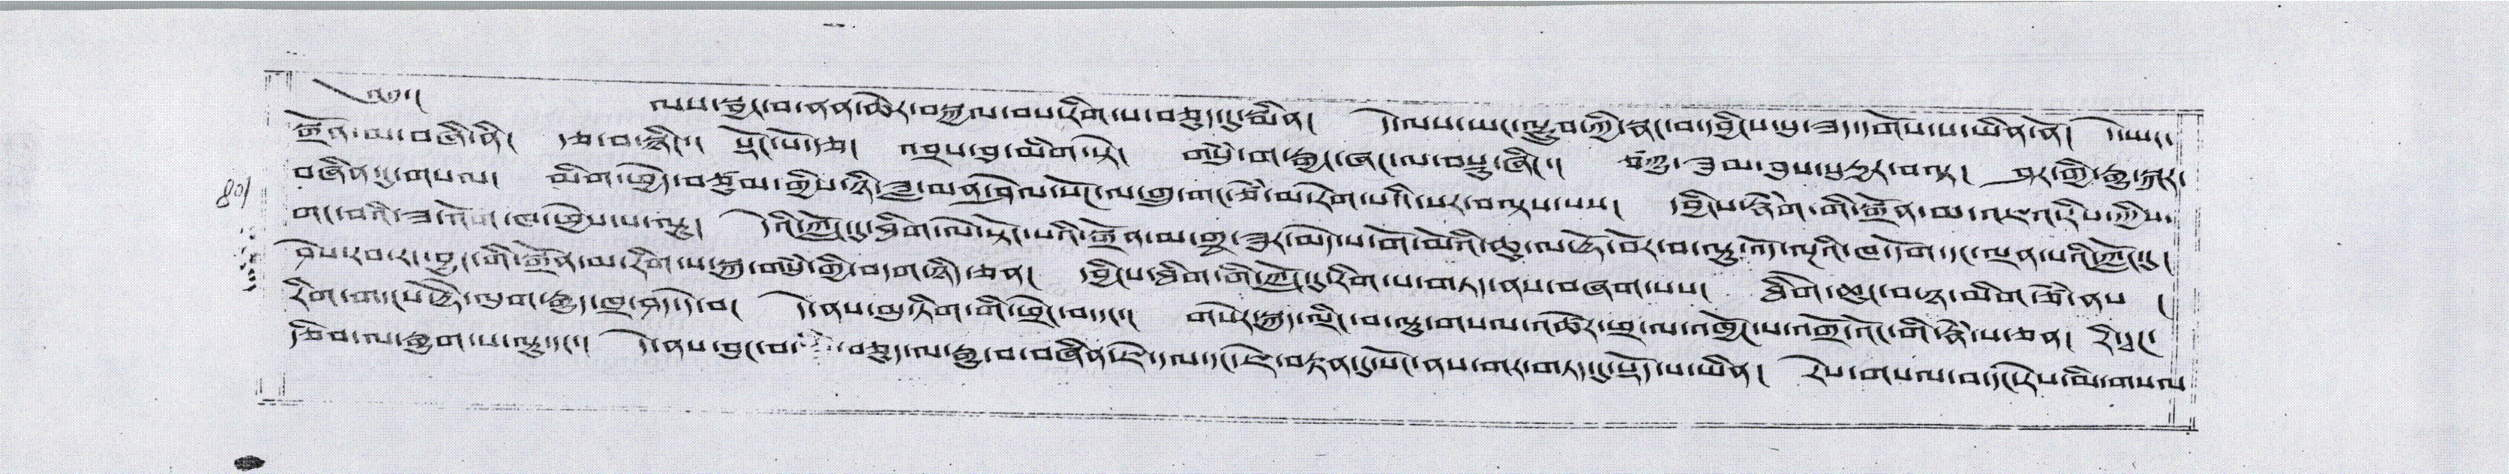ལས་སྦྱང་བ་ནན་ཆེར་བསྐྱལ་བས་རིག་པ་བཅུད་དུ་སྨིན། དེ་ལས་ཡང་ལྷུན་གྲུབ་ཀྱི་སྣང་བ་དབྱིངས་སུ་ཟད་དགོས་པ་ཡིན་ནོ། དེ་ཡང་
སྒྲོན་མ་བཞི་ནི། རྩ་བ་སྙིང། སྡོང་པོ་རྩ། འབྲས་བུ་མིག་སྟེ། གསུམ་ག་རྒྱང་ཞགས་ལ་བསྡུ་ཞིང། ཙཀྱུ་ཟུམ་བུས་སུརྱར་བལྟ། ཤར་གྱི་རྒྱུ་སྐར་
བཞིན་དུ་གསལ། མིག་ཕྱེད་བཙུམ་གྱིས་ཉི་ཟླ་མན་ཤེལ་སོགས་ལ་གྲུ་གང་ཙམ་མ་རེག་པའི་སར་བལྟས་པས། དབྱིངས་རྣམ་དག་གི་སྒྲོན་མ་འཇའ་རིས་ཀྱིས་
གང་བའི་ཟ་འོག་ཁ་ཕྱེས་པ་ལྟ་བུ། དེའི་ཀློང་དུ་ཐིག་ལེ་སྟོང་པའི་སྒྲོན་མ་གྲྭ་ཟུར་མེད་པ་གོ་མོའི་ཆུ་ལ་རྡོ་བོར་བ་ལྟ་བུ་འོད་ལྔའི་ཁ་དོག་དང་ལྡན་པའི་ཀློང་དུ་
ཤེས་རབ་རང་བྱུང་གི་སྒྲོན་མ་རིག་པ་སྐུ་གསུམ་གྱི་བདག་ཉིད་ཅན། དབྱིངས་ཐིག་གི་ཀློང་དུ་རིག་པ་གཏད་ནས་བཞག་པས། ཐིག་ལེ་ཆུང་བ་ཉ་མིག་ཙམ་ནས།
རིག་གདངས་རྡོ་རྗེ་ལུག་རྒྱུད་ཁྲ་ཤད་དེ་བ། དེ་ནས་མུ་ཏིག་གི་ཕྲེང་བ་དང། གསེར་སྐུད་ལྡིང་བ་ལྟ་བུ་གསལ་འཚེར་འཕྲ་ལ་འཁྱོགས་པ་འགྲོ་འོང་གི་རྣམ་པ་ཅན། རི་དྭགས་
རྩིབ་ལ་རྒྱུག་པ་ལྟ་བུ་དང། དེ་ནས་བུང་བ་བཅུད་ལ་རྒྱུ་བ་བཞིན་ཇེ་དལ་དང་ཇེ་བརྟེན་དུ་སོང་ནས་གར་གཏད་དུ་སྡོད་པ་ཡིན། རེས་གསལ་བ་དང་རེས་མི་གསལ་